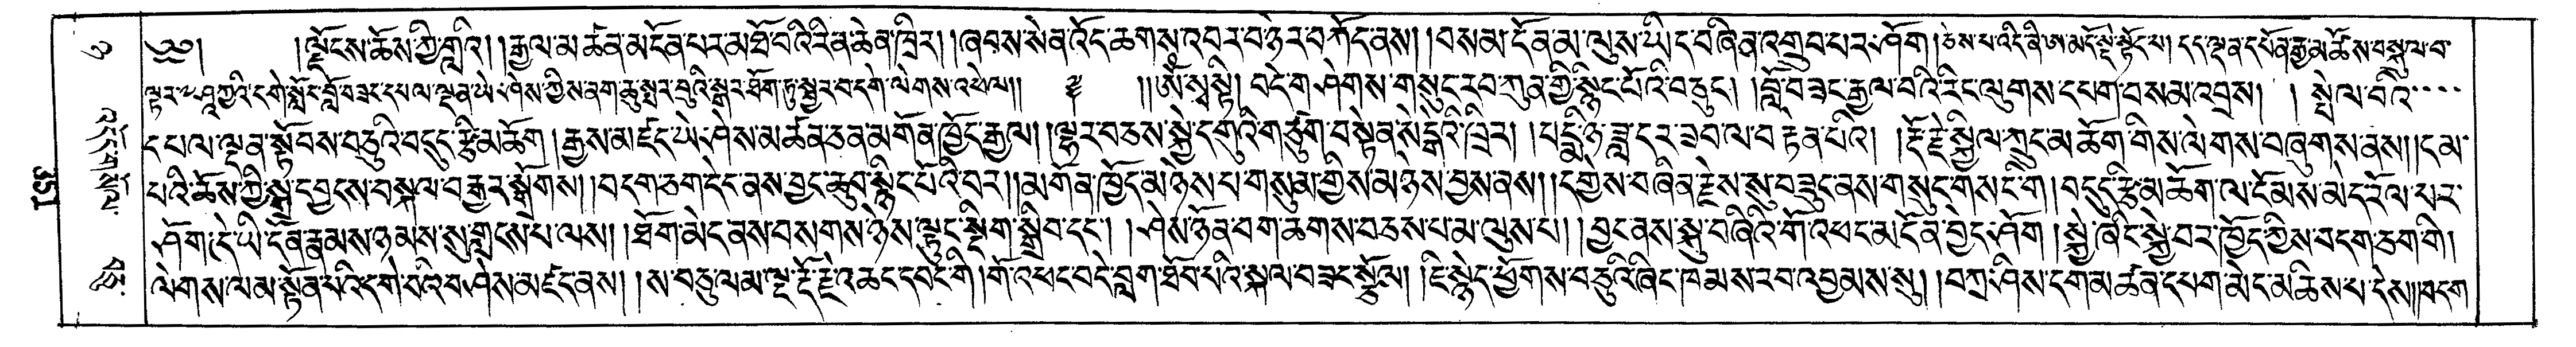༄༅། །ལྗོངས་ཆོས་ཀྱི་གྲྭའི། །རྒྱལ་མཚན་མངོན་པར་མཐོ་བའི་རིན་ཆེན་ཁྲིར། །ཞབས་སེན་འོད་ཆགས་འབར་བ་ཉེར་བཀོད་ནས། །བསམ་དོན་མ་ལུས་ཡིད་བཞིན་འགྲུབ་པར་ཤོག། ཅེས་པ་འདི་ནི་ཨ་མདོ་སྡེ་སྟོད་པ།  དད་ལྡན་དཔོན་རྒྱ་མཚོས་བསྐུལ་བ་
ལྟར་ཤཱཀྱའི་དགེ་སློང་བློ་བཟང་དཔལ་ལྡན་ཡེ་ཤེས་ཀྱིས་ནག་ཆུ་སྤར་བུའི་སྒར་ཐོག་ཏུ་སྦྱར་བ་དགེ་ལེགས་འཕེལ།། ༈ །།ཨོཾ་སྭསྟི། བདེ་གཤེགས་གསུང་རབ་ཀུན་གྱི་སྙིང་པོའི་བཅུད། །བློ་བཟང་རྒྱལ་བའི་རིང་ལུགས་དཔག་བསམ་འབྲས། །སྤེལ་བའི་
དཔལ་ལྡན་སྟོབས་བཅུའི་བདུད་རྩི་མཆོག །རྒྱས་མཛད་ཡེ་ཤེས་མཚན་ཅན་མགོན་ཁྱོད་རྒྱལ། །ལྷར་བཅས་སྐྱེ་དགུའི་གཙུག་བསྟེན་སེངྒེའི་ཁྲིར། པདམ་ཉི་ཟླ་དར་ཟབ་ལ་བརྟེན་པའི། །རྡོ་རྗེ་སྐྱིལ་ཀྲུང་མཆོག་གིས་ལེགས་བཞུགས་ནས། །དམ་
པའི་ཆོས་ཀྱི་སྒྲ་དབྱངས་བསྐལ་བརྒྱར་སྒྲོགས། །བདག་ཅག་དེང་ནས་བྱང་ཆུབ་སྙིང་པོའི་བིར། །མགོན་ཁྱོད་མཉེས་པ་གསུམ་གྱིས་མཉེས་བྱས་ནས། །དགྱེས་བཞིན་རྗེས་སུ་བཟུང་ནས་གསུང་གསང་གི །བདུད་རྩི་མཆོག་ལ་ངོམས་མེད་རོལ་པར་
ཤོག །དེ་ཡི་དོན་རྣམས་ཉམས་སུ་བླངས་པ་ལས། །ཐོག་མེད་ནས་བསགས་ཉེས་ལྟུང་སྡིག་སྒྲིབ་དང་། །ཤེས་ཉོན་བག་ཆགས་བཅས་པ་མ་ལུས་པ། །བྱང་ནས་སྐུ་བཞིའི་གོ་འཕང་མངོན་བྱེད་ཤོག །སྐྱེ་ཞིང་སྐྱེ་བར་ཁྱོད་ཀྱིས་བདག་ཅག་གི།
ལེགས་ལམ་སྟོན་པའི་དགེ་བའི་བཤེས་མཛད་ནས། །ས་བཅུ་ལམ་ལྔ་རྡོ་རྗེ་འཆང་དབང་གི །གོ་འཕང་བདེ་བླག་ཐོབ་པའི་སྐལ་བཟང་སྩོལ། །ཇི་སྙེད་ཕྱོགས་བཅུའི་ཞིང་ཁམས་རབ་འབྱམས་སུ། །བཀྲ་ཤིས་དགེ་མཚན་དཔག་མེད་མཆིས་པ་དེས། །བདག་